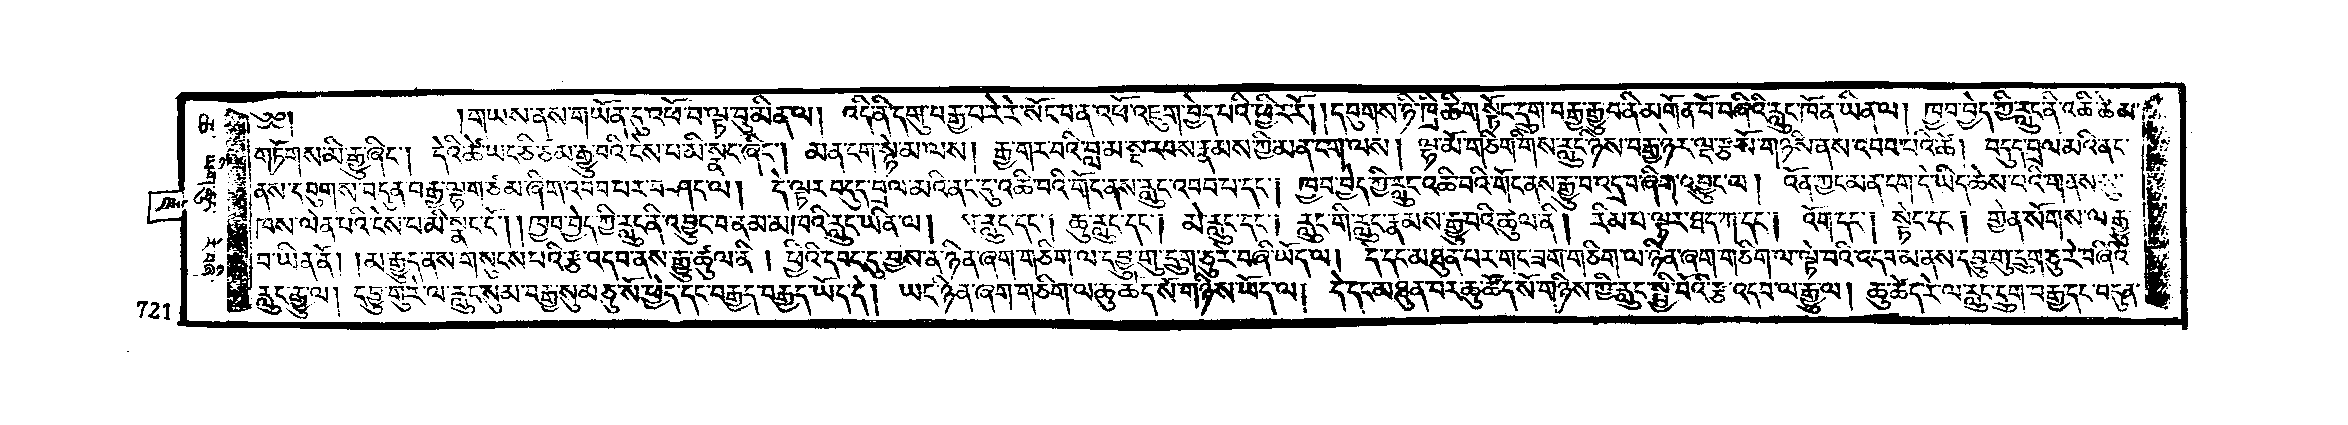༄༅། །གཡས་ནས་གཡོན་དུ་འཕོ་བ་ལྟ་བུ་མིན་ལ། འདི་ནི་དགུ་བརྒྱ་པ་རེ་རེ་སོང་བ་ན་འཕོ་འཇུག་བྱེད་པའི་ཕྱིར་རོ། །དབུགས་ཉི་ཁྲི་ཆིག་སྟོང་དྲུག་བརྒྱ་རྒྱུ་བ་ནི་མགོན་པོ་བཞིའི་རླུང་ཁོ་ན་ཡིན་ལ། ཁྱབ་བྱེད་ཀྱི་རླུང་ནི་འཆི་ཚེ་མ་
གཏོགས་མི་རྒྱུ་ཞིང་། དེའི་ཚེ་ཡང་ཅི་ཙམ་རྒྱུ་བའི་ངེས་པ་མི་སྣང་ཞིང་། མན་ངག་སྙེ་མ་ལས། རྒྱ་གར་བའི་བླ་མ་སྔ་རབས་རྣམས་ཀྱི་མན་ངག་ལས། ལྷ་མོ་གཅིག་གིས་རླུང་ཉིས་བརྒྱ་ཉར་ལྔ་རྩ་སོ་གཉིས་ནས་འབབ་པའི་ཚེ། བདུད་བྲལ་མའི་ནང་
ནས་དབུགས་བདུན་བརྒྱ་ལྷག་ཙམ་ཞིག་འབབ་པར་བཤད་ལ། དེ་ལྟར་བདུད་བྲལ་མའི་ནང་དུ་འཆི་བའི་གོང་ནས་རླུང་འབབ་པ་དང་། ཁྱབ་བྱེད་ཀྱི་རླུང་འཆི་བའི་གོང་ནས་རྒྱུ་བ་འདྲ་བ་ཞིག་འབྱུང་ལ། འོན་ཀྱང་མན་ངག་དེ་ཡིད་ཆེས་པའི་གནས་སུ་
ཁས་ལེན་པའི་ངེས་པ་མི་སྣང་ངོ། །ཁྱབ་བྱེད་ཀྱི་རླུང་ནི་འབྱུང་བ་ནམ་མཁའི་རླུང་ཡིན་ལ། ས་རླུང་དང་། ཆུ་རླུང་དང་། མེ་རླུང་དང་། རླུང་གི་རླུང་རྣམས་རྒྱུ་བའི་ཚུལ་ནི། རིམ་པ་ལྟར་ཐད་ཀ་དང་། འོག་དང་། སྟེང་དང་། གྱེན་སོགས་ལ་རྒྱུ་
བ་ཡིན་ནོ། །མ་རྒྱུད་ནས་གསུངས་པའི་རྩ་འདབ་ནས་རྒྱུ་ཚུལ་ནི། ཕྱིའི་དབང་དུ་བྱས་ན་ཉིན་ཞག་གཅིག་ལ་དབྱུ་གུ་དྲུག་ཅུ་རེ་བཞི་ཡོད་ལ། དེ་དང་མཐུན་པར་གང་ཟག་གཅིག་ལ་ཉིན་ཞག་གཅིག་ལ་ལྟེ་བའི་འདབ་མ་ནས་དབྱུ་གུ་དྲུག་ཅུ་རེ་བཞིའི་
རླུང་རྒྱུ་ལ། དབྱུ་གུ་རེ་ལ་རླུང་སུམ་བརྒྱ་སུམ་ཅུ་སོ་ཕྱེད་དང་བརྒྱད་བརྒྱད་ཡོད་དེ། ཡང་ཉིན་ཞག་གཅིག་ལ་ཆུ་ཚོད་སོ་གཉིས་ཡོད་ལ། དེ་དང་མཐུན་པར་ཆུ་ཚོད་སོ་གཉིས་ཀྱི་རླུང་སྤྱི་བོའི་རྩ་འདབ་ལ་རྒྱུ་ལ། ཆུ་ཚེད་རེ་ལ་རླུང་དྲུག་བརྒྱ་དང་བདུན་